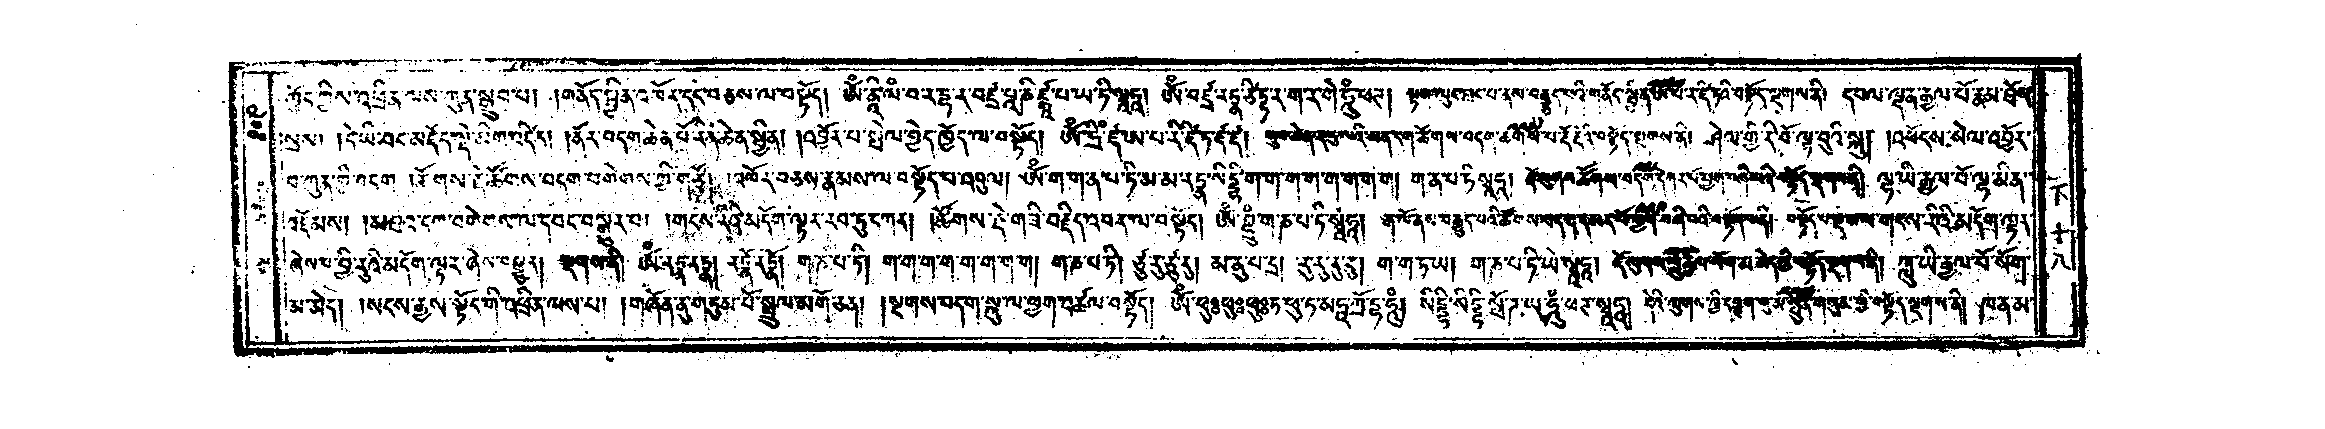ཁྱོད་ཀྱིས་འཕྲིན་ལས་ཀུན་སྒྲུབ་པ། །གནོད་སྦྱིན་འཁོར་དང་བཅས་ལ་བསྟོད། ཨོཾ་ནཱི་ལཾ་བར་དྷ་ར་བཛྲ་པཱ་ཎི་ཛྙཱ་པ་ཡ་ཏི་ཉཱ?་ཏ?། ཨོཾ་བཛྲ་རཏྣ་ཙིཏྟ་ར་ག་ར་གེ་ཧཱུཾ་ཕཊ། སྟག་ལུང་ཐང་པ་ནས་བརྒྱུད་པའི་གནོད་སྦྱིན་ཨ ༢༢༦?་པ་ར་ཛི་ཏའི་བསྟོད་སྔགས་ནི། དཔལ་ལྡན་རྒྱལ་པོ་རྣམ་ཐོས་
སྲས། །དེ་ཡི་བང་མཛོད་ལྡེ་མིག་འཛིན། །ནོར་བདག་ཆེན་པོ་རིན་ཆེན་སྦྱིན། །འབྱོར་བ་སྤེལ་བྱེད་ཁྱོད་ལ་བསྟོད། ཨོཾ་ཧྲིཾ་ཛ་ཨ་པ་རི་ཛི་ཏ་ཛ་ཛ། གྲུབ་ཆེན་ར་ཧུ་ལའི་མན་ངག་ཚོགས་བདག་ཆགས༢༢༧་པ་རྡོ་རྗེའི་བསྟོད་སྔགས་ནི། ཤེལ་གྱི་རི་བོ་ལྟ་བུའི་སྐུ། །འཕོངས་སེལ་འབྱོར་
བ་ཀུན་གྱི་བདག །ཚོགས་རྗེ་ཚོགས་བདག་བགེགས་ཀྱི་གཙོ། །འཁོར་བཅས་རྣམས་ལ་བསྟོད་པ་འབུལ། ཨོཾ་ག་ག་ན་པ་ཏི་མ་མ་རཏྣ་སིདྡྷི་ག་ག་ག་ག་ག་ག་ག་ག། ག་ན་པ་ཏི་སྭཱཧཱ། ཇོ་ལུགས་ཚོགས་བདག༢༢༨་དཀར་པོ་ཕྱག་བཞི་པའི་བསྟོད་སྔགས་ནི། ལྷ་ཡི་རྒྱལ་པོ་ལྷ་མིན་
འཇོམས། །མཐའ་དག་བགེགས་ལ་དབང་བསྒྱུར་བ། །གངས་རིའི་མདོག་ལྟར་རབ་ཏུ་དཀར། །ཚོགས་རྗེ་གཟི་བརྗིད་འབར་ལ་བསྟོད། ཨོཾ་བྷྲུཾ་ག་ཎ་པ་ཏི་སྭཱཧཱ། རྒ་ལོ་ནས་བརྒྱུད་པའི་ཚོགས་བདག་དམར་པོ་ཕྱག༢༢༩་བཞི་པའི་བསྟོད་པ་ནི། བསྟོད་པ་སྔ་མ་ལ་གངས་རིའི་མདོག་ལྟར་
ཞེས་པ་བྱི་རུའི་མདོག་ལྟར་ཞེས་བསྒྱུར། སྔགས་ནི།  ཨོཾ་རཏྣ་རཏྣ། རཏྣོ་རཏྣོ། ག་ཎ་པ་ཏི། ག་ག་ག་ག་ག་ག་ག་ག། ག་ཎ་པ་ཏི། ཙུ་རུ་ཙུ་རུ། མ་ནུ་པ་དྲ། རུ་རུ་རུ་རུ། ག་ག་ཏ་ཡ། ག་ཎ་པ་ཏི་ཡེ་སྭཱཧཱ། ཇོ་ལུགས་ཀླུ༢༣༠་རྒྱལ་སོག་མ་མེད་ཀྱི་བསྟོད་སྔགས་ནི། ཀླུ་ཡི་རྒྱལ་པོ་སོག་
མ་མེད། །སངས་རྒྱས་སྟོང་གི་འཕྲིན་ལས་པ། །གཞོན་ནུ་གཏུམ་པོ་སྤྲུལ་མགོ་ཅན། །སྔགས་བདག་སྐུ་ལ་ཕྱག་འཚལ་བསྟོད། ཨོཾ་ཕུཿཕུཿཕུཿཏ་ཕུ་ཏ་མཧཱ་ཀྲོ་དྷ་ཧཱུཾ། སིདྡྷི་སིདྡྷི་སྥོཌ་ཡ་ཧཱུཾ་ཕཊ་སྭཱཧཱ། དེའི་ལུགས་ཀྱི་དབྱུག་གུ་མ་སྤུན༢༣༡་གསུམ་གྱི་བསྟོད་སྔགས་ནི། ཁ་ན་མ་